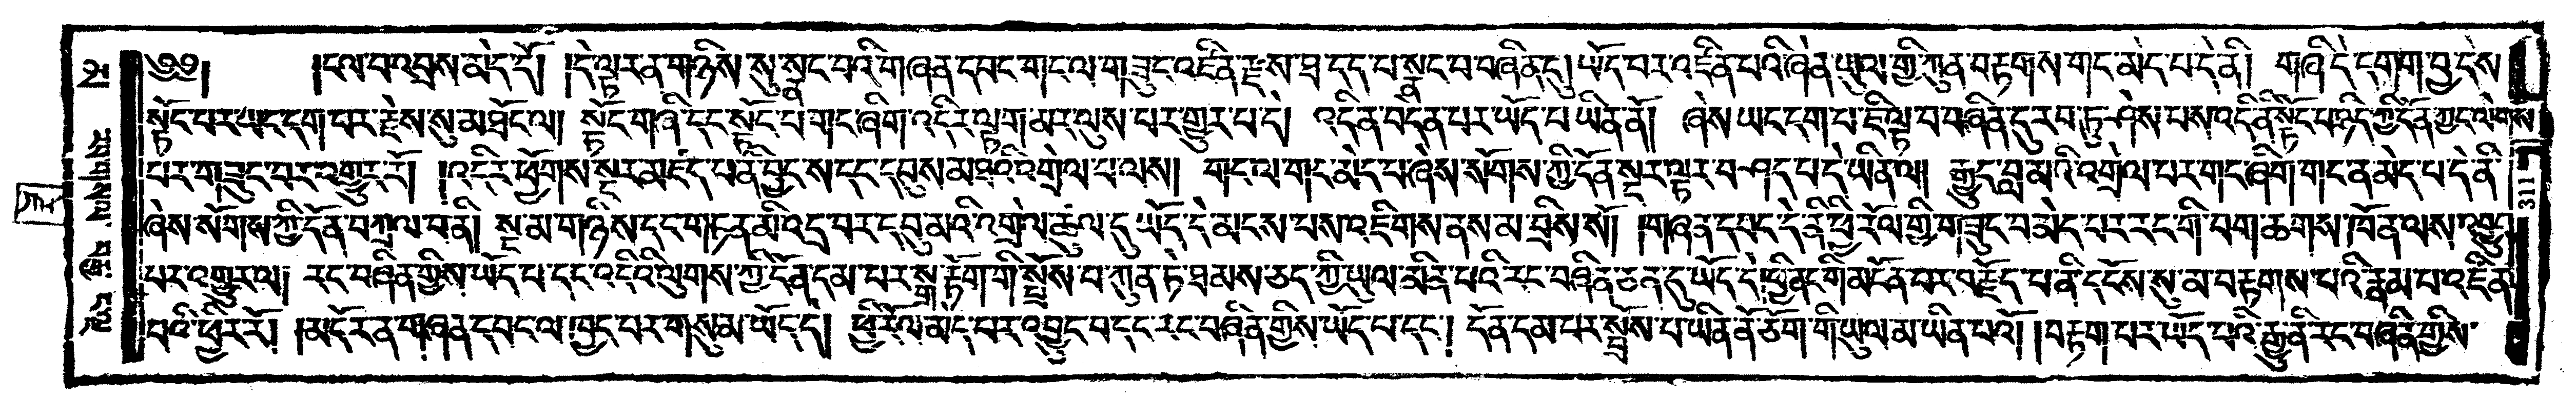༄༅། །ངལ་བ་འབྲས་མེད་དོ། །དེ་ལྟར་ན་གཉིས་སུ་སྣང་བའི་གཞན་དབང་གང་ལ་གཟུང་འཛིན་རྫས་ཐ་དད་པ་སྣང་བ་བཞིན་དུ། ཡོད་པར་འཛིན་པའི་ཞེན་ཡུལ་གྱི་ཀུན་བརྟགས་གང་མེད་པ་དེ་ནི། གཞི་དེ་དགག་བྱ་དེས་
སྟོང་པར་ཡང་དག་པར་རྗེས་སུ་མཐོང་ལ། སྟོང་གཞི་དང་སྟོང་པ་གང་ཞིག་འདིར་ལྷག་མར་ལུས་པར་གྱུར་པ་དེ། འདི་ན་བདེན་པར་ཡོད་པ་ཡིན་ནོ། ཞེས་ཡང་དག་པ་ཇི་ལྟ་བ་བཞིན་དུ་རབ་ཏུ་ཤེས་པས་འདི་ནི་སྟོང་པ་ཉིད་ཀྱི་དོན་ཀྱང་ལེགས་
པར་གཟུང་བར་འགྱུར་རོ། །འདིར་ཕྱོགས་སྔར་མཛད་པ་ནི་བྱང་ས་དང་དབུས་མཐའི་འགྲེལ་པ་ལས། གང་ལ་གང་མེད་པ་ཞེས་སོགས་ཀྱི་དོན་སྔར་ལྟར་བཤད་པ་དེ་ཡིན་ལ། རྒྱུད་བླ་མའི་འགྲེལ་པར་གང་ཞིག་གང་ན་མེད་པ་དེ་ནི་
ཞེས་སོགས་ཀྱི་དོན་བཀྲལ་བ་ནི། སྔ་མ་གཉིས་དང་གཏན་མི་འདྲ་བར་དབུ་མའི་འགྲེལ་ཚུལ་དུ་ཡོད་དེ་མངས་པས་འཇིགས་ནས་མ་བྲིས་སོ། །གཞན་དབང་དེ་ནི་ཕྱི་རོལ་གྱི་གཟུང་བ་མེད་པར་རང་གི་བག་ཆགས་ཁོ་ན་ལས་འབྱུང་
བར་འགྱུར་ལ། རང་བཞིན་གྱིས་ཡོད་པ་དང་འདིའི་ལུགས་ཀྱི་དོན་དམ་པར་སྒྲ་རྟོག་གི་སྤྲོས་པ་ཀུན་ཏེ་ཐམས་ཅད་ཀྱི་ཡུལ་མིན་པའི་རང་བཞིན་ཅན་དུ་ཡོད་དེ། ཕྱི་ནང་གི་མངོན་པར་བརྗོད་པ་ནི་དངོས་སུ་མ་བརྟགས་པའི་རྣམ་པ་འཛིན་
པའི་ཕྱིར་རོ། །མདོར་ན་གཞན་དབང་ལ་ཁྱད་པར་གསུམ་ཡོད་དེ། ཕྱི་རོལ་མེད་པར་འབྱུང་བ་དང་རང་བཞིན་གྱིས་ཡོད་པ་དང་། དོན་དམ་པར་སྤྲོས་པ་ཡིན་ནོ་ཅོག་གི་ཡུལ་མ་ཡིན་པའོ། །བརྟག་པར་ཡོད་པའི་རྒྱུ་ནི་རང་བཞིན་གྱིས་